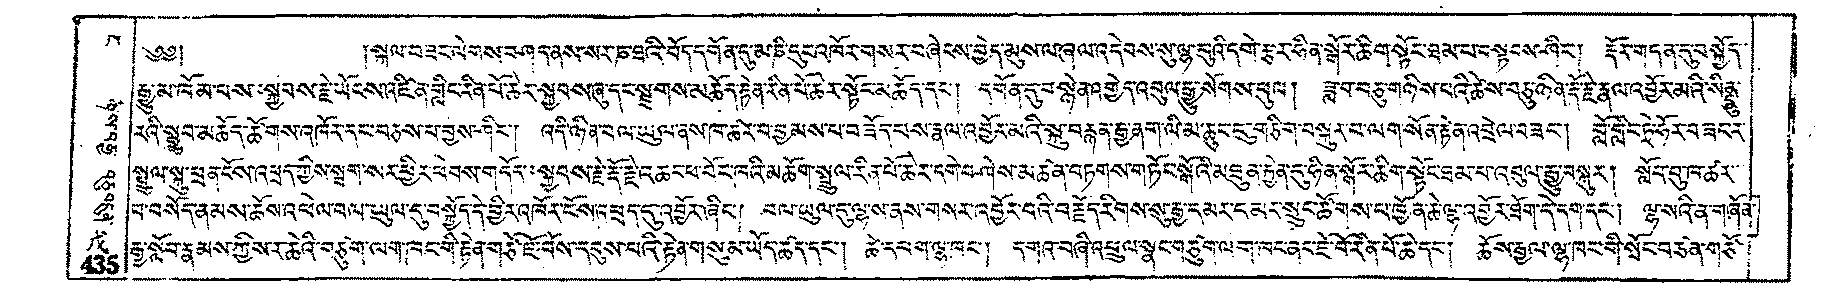༄༅། །སྐལ་བཟང་ལེགས་བཤད་ནས་ས་ར་ཎ་ཐའི་བོད་དགོན་དུ་མ་ཎི་དུང་འཁོར་གསར་བཞེངས་བྱེད་མུས་ལ་ཞལ་འདེབས་སུ་ལྷ་བུའི་དགེ་རྩར་ཧིན་སྒོར་ཚིག་སྟོང་ཐམ་པ་བསྟབས་ཤིང་། རྡོར་གདན་དུ་བསྐྱོད་
རྒྱུ་མ་ཁོམ་པས་༧སྐྱབས་རྗེ་ཡོངས་འཛིན་གླིང་རིན་པོ་ཆེར་སྐྱབས་ཞུ་དང་སྦྲགས་མཆོད་རྟེན་རིན་པོ་ཆེར་སྟོང་མཆོད་དང་། དགོན་དུ་བསྙེན་འགྱེད་འབུལ་རྒྱུ་སོགས་ཕུལ། ཟླ་བ་བཅུ་གཉིས་པའི་ཚེས་བཅུ་ཉིན་རྡོ་རྗེ་རྣལ་འབྱོར་མའི་སིནྡྷུ་
རའི་སྒྲུབ་མཆོད་ཚོགས་འཁོར་དང་བཅས་པ་བྱས་ཤིང་། འདི་ཉིན་བལ་ཡུལ་ནས་ཁ་ཚར་བ་བྱམས་པ་བཟོད་པས་རྣལ་འབྱོར་མའི་སྐུ་བརྙན་རྒྱ་ནག་ལི་མ་ཆུང་ངུ་གཅིག་བསྐུར་བ་ལག་སོན་རྟེན་འབྲེལ་བཟང་། བློ་གླིང་ཏྲེ་ཧོར་བཟང་ར་
སྤྲུལ་སྐུ་ཕྲན་ངོས་འཕྲད་ཀྱིས་སྦག་སར་ཕྱིར་ཕེབས་གདོད་༧སྐྱབས་རྗེ་རྡོ་རྗེ་འཆང་ཕ་བོང་ཁའི་མཆོག་སྤྲུལ་རིན་པོ་ཆེར་དགེ་བཤེས་མཚན་བཏགས་གཏོང་སྒོའི་མཐུན་རྐྱེན་དུ་ཧིན་སྒོར་ཆིག་སྟོང་ཐམ་པ་འབུལ་རྒྱུ་བསྐུར། སློབ་བུ་ཁ་ཚར་
བ་བསོད་ནམས་ཆོས་འཕེལ་བལ་ཡུལ་དུ་བསྐྱོད་དེ་ཕྱིར་འཁོར་ངོས་འཕྲད་དུ་འབྱོར་ཞིང་། བལ་ཡུལ་དུ་ལྷ་ས་ནས་གསར་འབྱོར་བའི་བརྗོད་རིགས་སུ་རྒྱ་དམར་དམར་སྲུང་ཚོགས་པ་ཁྱོན་ཆེ་ལྷ་འབྱོར་ཐོག་དེ་དག་དང་། ལྷ་སའི་ན་གཞོན་
རྒྱ་སློབ་རྣམས་ཀྱིས་ར་ཆེའི་གཙུག་ལག་ཁང་གི་རྟེན་གཙོ་ཇོ་བོས་དབུས་པའི་རྟེན་གསུམ་ཡོད་ཚད་དང་། ཚེ་དཔག་ལྷ་ཁང་། དགའ་བཞི་འཕྲུལ་སྣང་གཙུག་ལག་ཁང་ནང་ཇོ་བོ་རིན་པོ་ཆེ་དང་། ཆོས་རྒྱལ་ལྷ་ཁང་གི་སྲོང་བཙན་གཙོ་